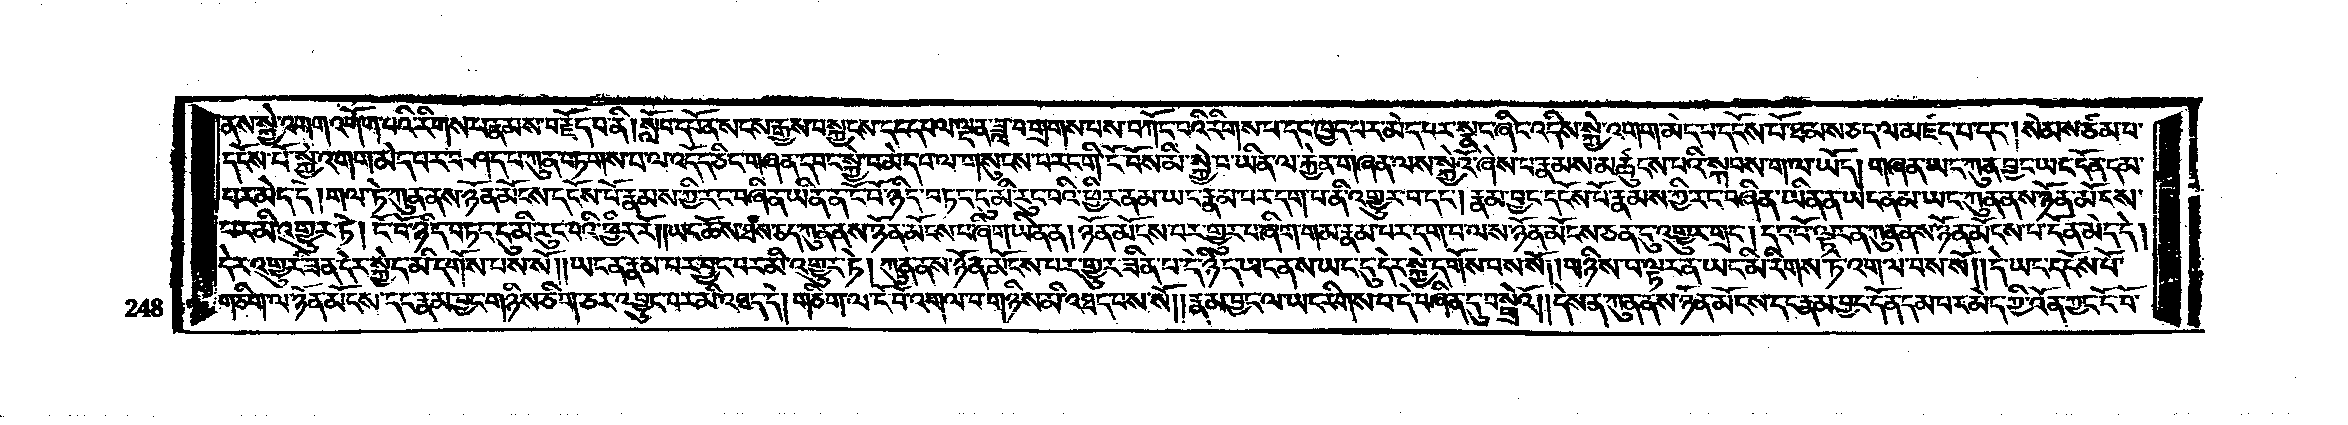ནས་སྐྱེ་འགག་འགོག་པའི་རིགས་པ་རྣམས་བརྗོད་པ་ནི། སློབ་དཔོན་སངས་རྒྱས་བསྐྱངས་དང་དཔལ་ལྡན་ཟླ་བ་གྲངས་པས་བཀོད་པའི་རིགས་པ་དང་ཁྱད་པར་མེད་པར་སྣང་ཞིང་འདིས་སྐྱེ་འགག་མེད་པ་དངོས་པོ་ཐམས་ཅད་ལ་མཛད་པ་དང་། སེམས་ཙམ་པ་
དངོས་པོ་སྐྱེ་འགག་མེད་པར་བཤད་པ་ཀུན་བཏགས་པ་ལ་འདོད་ཅིང་གཞན་དབང་སྐྱེ་བ་མེད་པ་ལ་གསུངས་པ་རང་གི་ངོས་བོས་མི་སྐྱ་བ་ཡིན་ལ་རྐྱེན་གཞན་ལས་སྐྱེའོ་ཞེས་པ་རྣམས་མཚུངས་པའི་སྐབས་ག་ལ་ཡོད། གཞན་ཡང་ཀུན་བྱང་ཡང་དོན་དམ་
པར་མེད་དེ། གལ་ཏེ་ཀུན་ནས་ཉོན་མོངས་དངོས་པོ་རྣམས་ཀྱི་རང་བཞིན་ཡིན་ན་ངོ་བོ་ཉིད་བཏང་དུ་མི་རུང་བའི་ཕྱིར་ནམ་ཡང་རྣམ་པར་དག་པ་ནི་འགྱུར་བ་དང་། རྣམ་བྱང་དངོས་པོ་རྣམས་ཀྱི་རང་བཞིན་ཡིན་ན་ཡང་ནམ་ཡང་ཀུན་ནས་ཉོན་མོངས་
པར་མི་འགྱུར་ཏེ། ངོ་བོ་ཉིད་བཏང་དུ་མི་རུང་བའི་ཕྱིར་རོ། །ཡང་ཆོས་ཅན་ཐམ་ཅད་ཀུན་ནས་ཉོན་མོངས་པ་ཞིག་ཡིན་ན། ཉོན་མོངས་པར་གྱུར་པ་ཞིག་གམ་རྣམ་པར་དག་པ་ལས་ཉོན་མོངས་ཅན་དུ་འགྱུར་གྲང་། དང་པོ་ལྟར་ན་ཀུན་ནས་ཉོན་མོངས་པ་དོན་མེད་དེ།
དེར་འགྱུར་ཟིན་དེར་སྐྱེད་མི་དགོས་པས་སོ། །ཡང་ན་རྣམ་པར་བྱང་བར་མི་འགྱུར་ཏེ། ཀུན་ནས་ཉོན་མོངས་པར་གྱུར་ཟིན་པ་དེ་ཉིད་ཡང་ནས་ཡང་དུ་དེར་སྐྱེ་དགོས་པས་སོ། །གཉིས་པ་ལྟར་ན་ཡང་མི་རིགས་ཏེ་འགལ་བས་སོ། །དེ་ཡང་དངོས་པོ་
གཅིག་ལ་ཉོན་མོངས་དང་རྣམ་བྱང་གཉིས་གཅིར་ཅར་འབྱུང་བར་མི་འཐད་དེ། གཅིག་ལ་ངོ་བོ་འགལ་བ་གཉིས་མི་འཐད་པས་སོ། །རྣམ་བྱང་ལ་ཡང་རིགས་པ་དེ་བཞིན་དུ་བསྒྲེའོ། །དེས་ན་ཀུན་ནས་ཉོན་མོངས་དང་རྣམ་བྱང་དོན་དམ་པར་མེད་ཀྱི་འོན་ཀྱང་ངོ་བོ་